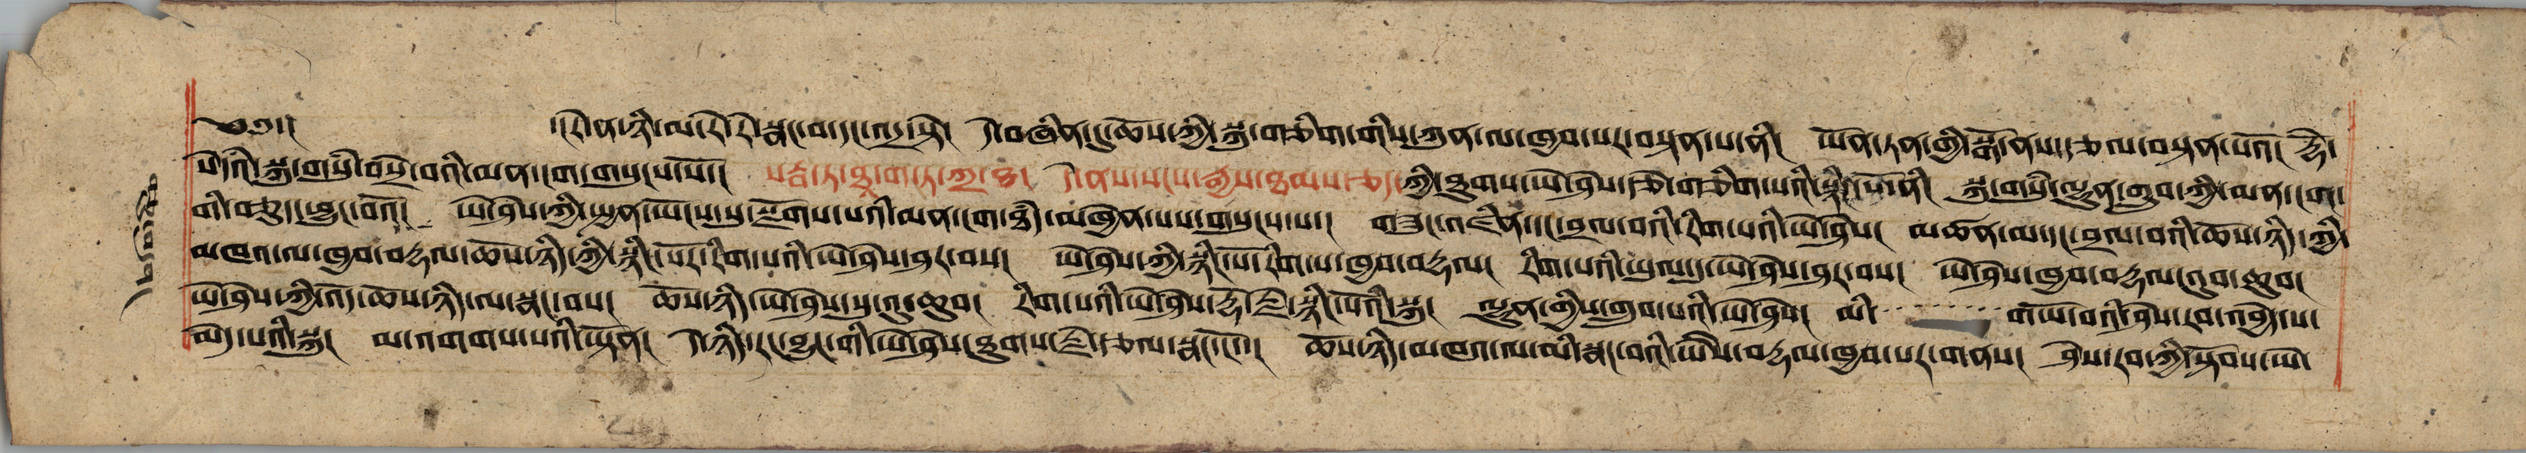༄༅་། ་།རེ་ན་ཉི་མ་རེ་རེ་སྣང་བ་དང་འདྲ་སྟེ། དེ་བཞིན་དུ་ཆོས་ཀྱི་སྐུ་གཅིག་གིས་ཀུན་ལ་ཁྱབ་པར་བསྟན་པ་ནི། ཡོན་ཏན་གྱི་སྒོ་ནས་རྩལ་བསྟན་པའོ། རྡོེ་
སེཾདའ་སྐུ་གསུཾ་བསྲེ་བའི་མན་ངག་གསུངས་སོ་། སརྦ་ཏ་ཐཱ་ག་ཏ་ཀྲ་ཋ། དེ་ནས་སངས་རྒྱས་ཐམས་ཅད་ཀྱི་ཐུགས་ཡེ་ཤེས་རྩེ་གཅིག་པའིི་སྙིང་པོ་ནི། སྐུ་གསུཾ་ལྷུན་གྲུབ་ཀྱི་མན་ངག་
གི་བཅུད་ཕྱུང་བའོ། ཡེ་ཤེས་ཀྱི་སྤྱན་ཡོངས་སུ་སྫོགས་པའི་མན་ངག་ཐཾད་མཁྱེན་པས་གསུངས་པ་། གཟུང་འཛིན་དང་བྲལ་བའི་རིག་པའི་ཡེ་ཤེས་། མཚན་མ་དང་བྲལ་བའི་ཆོས་ཉིད་ཀྱི་
མཁའ་ལ་ཁྱབ་བརྡལ་ཆོས་ཉིད་ཀྱི་སྙིང་པོར་རིག་པའི་ཡེ་ཤེས་ཤར་བས། ཡེ་ཤེས་ཀྱི་སྙིང་པོ་རིག་པ་ཁྱབ་བརྡལ། རིག་པའི་ཡུལ་དུ་ཡེ་ཤེས་ཤར་བས། ཡེ་ཤེས་ཁྱབ་བརྡལ་འུབ་ཆུབ་
ཡེ་ཤེས་ཀྱི་འོད་ཆོས་ཉིད་ལ་སྣང་བས། ཆོས་ཉིད་ཡེ་ཤེས་སུ་འུ་ཆུབ། རིག་པའི་ཡེ་ཤེས་རྡོ་རྗེ་སྙིང་པོའི་སྐུ། ལྷུན་གྱིས་གྲུབ་པའི་ཡེ་ཤེས། མི་ གཡོ་བའི་ཤེས་རབ་འབྱེད་པ་
མེད་པའི་སྐུ། མ་འགགས་པའི་ཡྟོན། དེ་ཉིད་རང་བྱུང་གི་ཡེ་ཤེས་ཐུགས་རྗེ་རྩལ་སྣང་ངོ་་། ཆོས་ཉིད་མཁའ་ལ་མི་སྣང་བའི་ཡཻས་བརྡལ་ཁྱབ་པར་གནས། ཤེས་རབ་ཀྱི་སྟོབས་ཡེ་